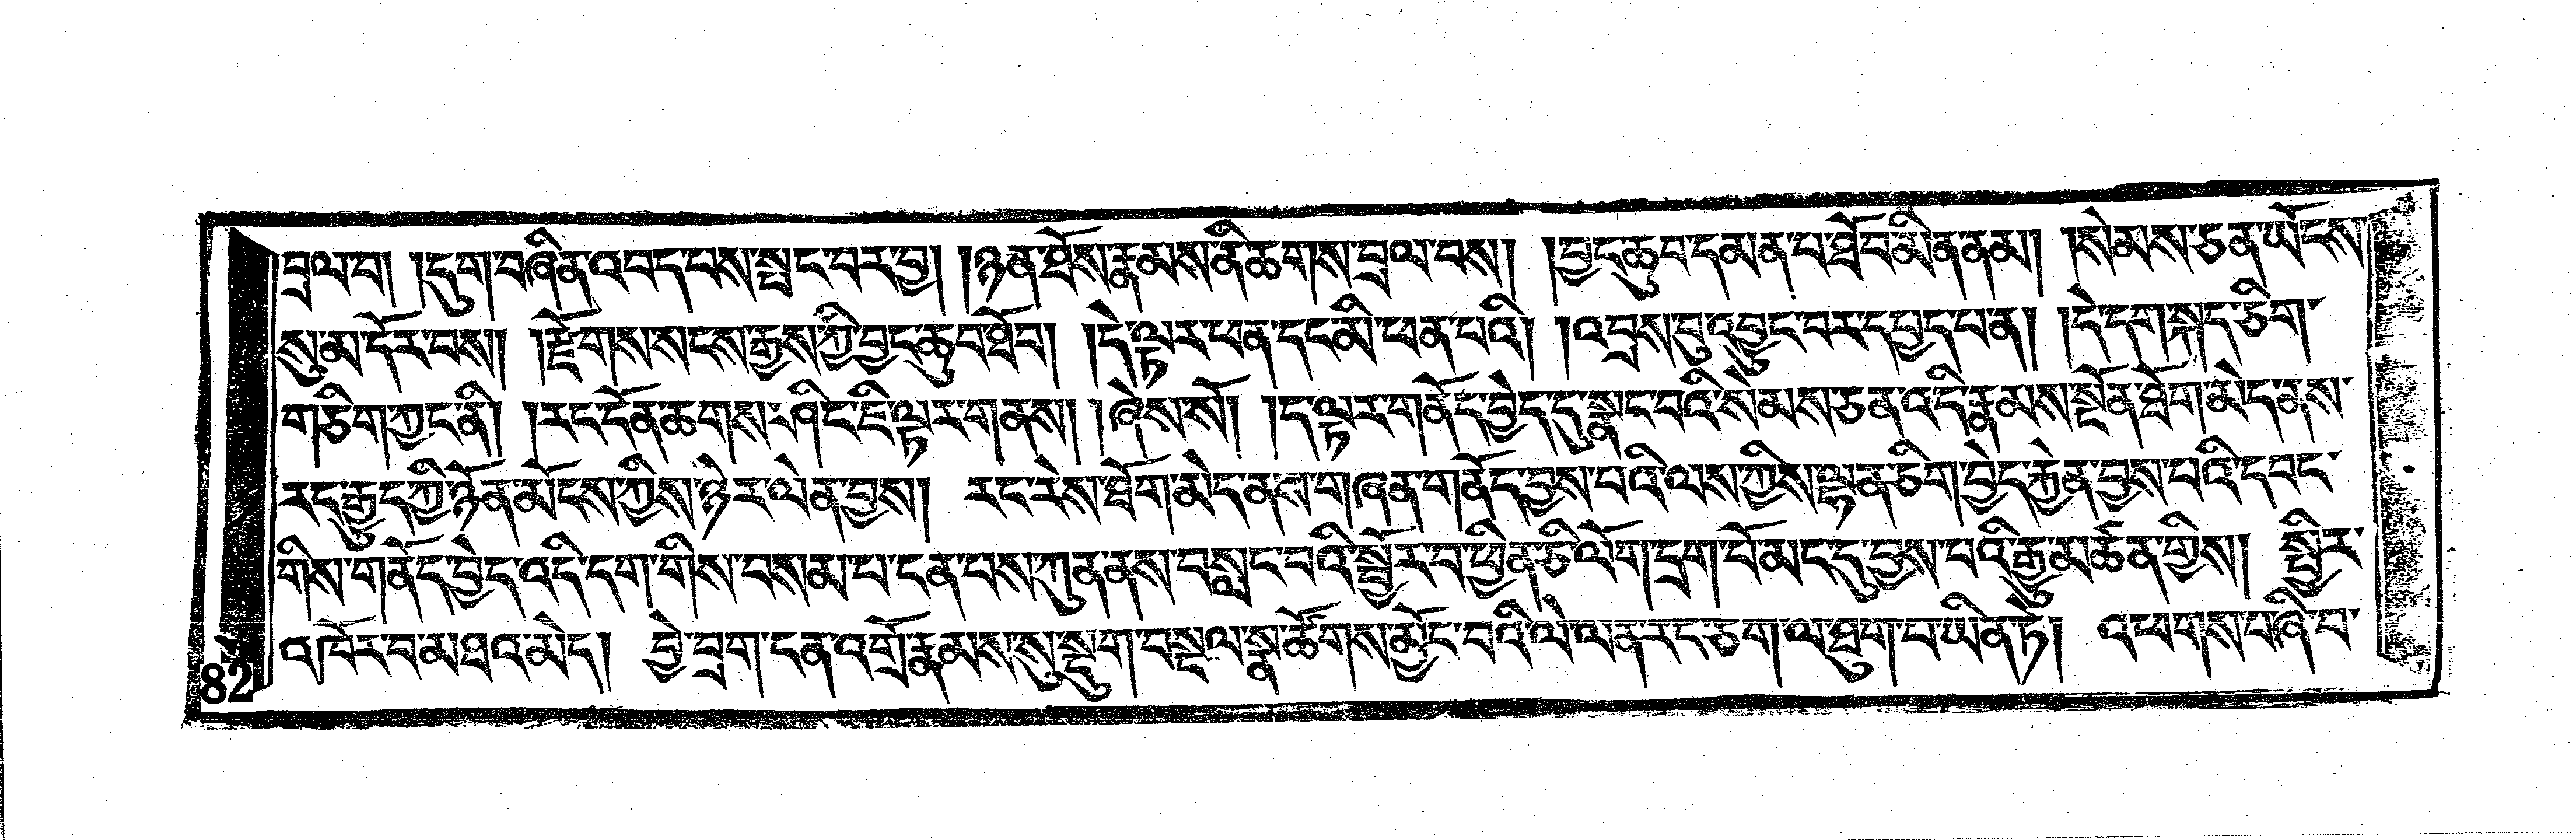བྲལ་བ། །དུག་བཞིན་འབད་པས་སྤང་བར་བྱ། །ཉན་ཐོས་རྣམས་ནི་ཆགས་བྲལ་བས། །བྱང་ཆུབ་དམན་པ་ཐོབ་མིན་ནམ། །སེམས་ཅན་ཡོངས་
སུ་མ་དོར་བས། །རྫོགས་སངས་རྒྱས་ཀྱི་བྱང་ཆུབ་ཐོབ། །དེ་ལྟར་ཕན་དང་མི་ཕན་པའི། །འབྲས་བུ་འབྱུང་བར་དཔྱད་པ་ན། །དེ་དག་སྐད་ཅིག་
གཅིག་ཀྱང་ནི། །རང་དོན་ཆགས་ཤིང་ཇི་ལྟར་གནས། །ཞེས་སོ། །ད་ལྟར་གནོད་བྱེད་དུ་སྣང་བའི་སེམས་ཅན་འདི་རྣམས་སྔོན་ཐོག་མེད་ནས་
རང་རྒྱུད་ཀྱི་ཉོན་མོངས་ཀྱིས་ཉེར་ལེན་བྱས། རང་རེས་ཐོག་མེད་ནས་གཞན་གནོད་བྱས་པའི་ལས་ཀྱིས་ལྷན་ཅིག་བྱེད་རྐྱེན་བྱས་པའི་དབང་
གིས་གནོད་བྱེད་འདི་དག་གིས་བསམ་པ་ངན་པས་ཀུན་ནས་བསླང་བའི་སྦྱོར་བ་ཕྱིན་ཅི་ལོག་དྲག་པོ་མང་དུ་བྱས་པའི་རྒྱུ་མཚན་གྱིས། སྤྱིར་
འཁོར་བ་མཐའ་མེད། བྱེ་བྲག་ངན་འགྲོ་རྣམས་སུ་སྡུག་བསྔལ་སྣ་ཚོགས་མྱོང་བའི་ལེ་ལན་རང་ཅག་ལ་ཐུག་པ་ཡིན་ཏེ། འཕགས་པ་ཞི་བ་